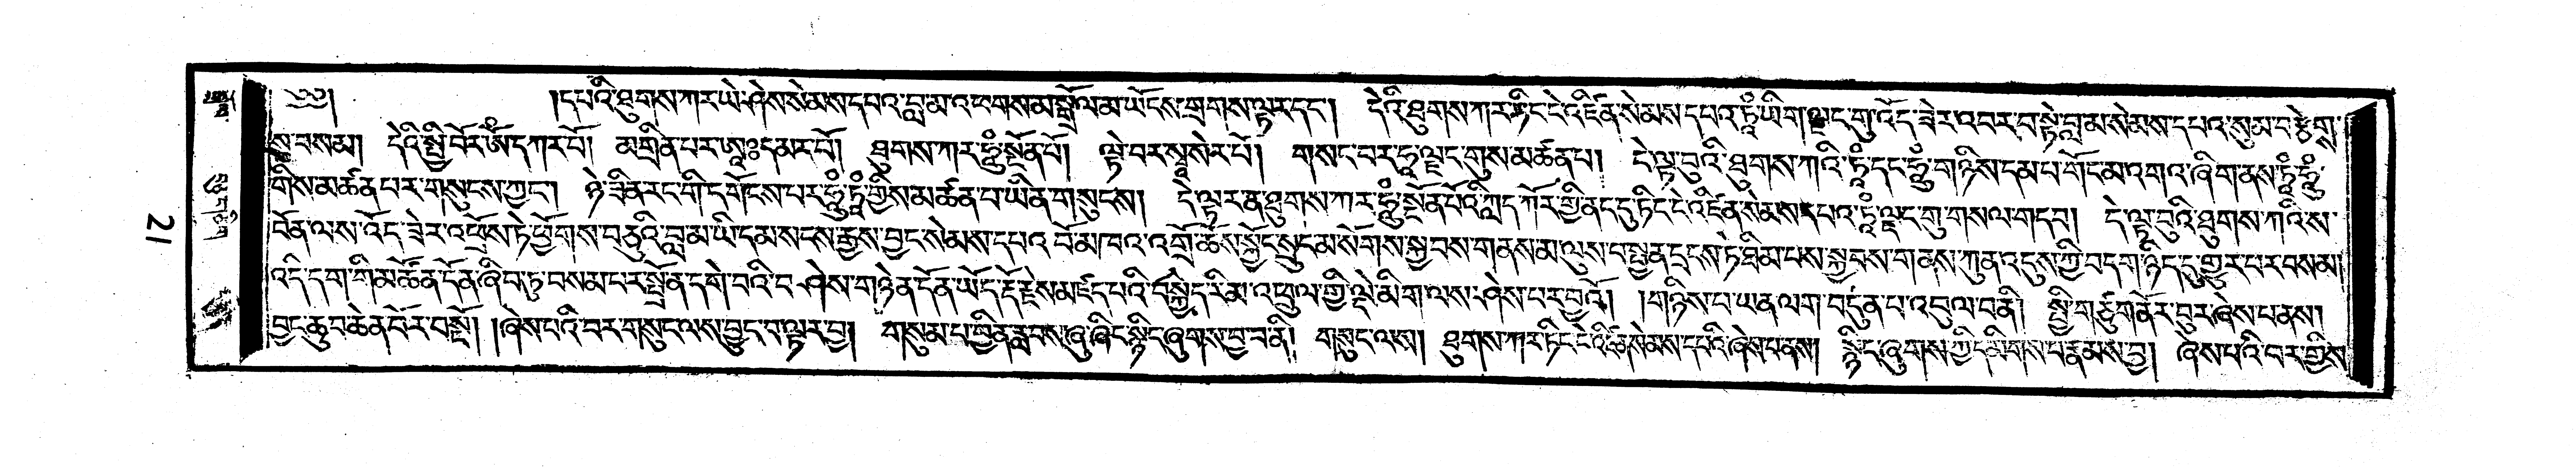༄༅། །དཔའི་ཐུགས་ཀར་ཡེ་ཤེས་སེམས་དཔའ་བླ་མ་འཕགས་མ་སྒྲོལ་མ་ཡོངས་གྲགས་ལྟར་དང་། དེའི་ཐུགས་ཀར་ཏིང་ངེ་འཛིན་སེམས་དཔའ་ཏཱཾ་ཡིག་ལྗང་གུ་འོད་ཟེར་འབར་བ་སྟེ་བླ་མ་སེམས་དཔའ་སུམ་བརྩེགས་
སུ་བསམ། དེའི་སྤྱི་བོང་ཨོཾ་དཀར་པོ། མགྲིན་པར་ཨཱཿདམར་པོ། ཐུགས་ཀར་ཧཱུཾ་སྔོན་པོ། ལྟེ་བར་སྭཱ་སེར་པོ། གསང་བར་ཧཱ་ལྗང་གུས་མཚན་པ། དེ་ལྟ་བུའི་ཐུགས་ཀའི་ཏཱཾ་དང་ཧཱུཾ་གཉིས་དམ་པ་གོང་མ་འགའ་ཞིག་ནས་ཏཱཾ་ཧཱུཾ་
གིས་མཚན་པར་གསུངས་ཀྱང་། ཉེ་ཟིན་རང་གི་དགོངས་པར་ཧཱུཾ་ཏཱཾ་གྱིས་མཚན་པ་ཡིན་གསུངས། དེ་ལྟར་ན་ཐུགས་ཀར་ཧཱུཾ་སྔོན་པོའི་ཀླ་དཀོར་གྱི་ནང་དུ་ཏིང་ངེ་འཛིན་སེམས་དཔའ་ཏཱཾ་ལྗང་གུ་གསལ་གདབ། དེ་ལྟ་བུའི་ཐུགས་ཀའི་ས་
བོན་ལས་འོད་ཟེར་འཕྲོས་ཏེ་ཕྱོགས་བཅུའི་བླ་མ་ཡི་དམ་སངས་རྒྱས་བྱང་སེམས་དཔའ་བོ་མཁའ་འགྲོ་ཆོས་སྐྱོང་སྲུང་མ་སོགས་སྐྱབས་གནས་མ་ལུས་པ་སྤྱན་དྲངས་ཏེ་ཐིམ་པས་སྐྱབས་གནས་ཀུན་འདུས་ཀྱི་བདག་ཉིད་དུ་གྱུར་པར་བསམ།
འདི་དག་གི་མཚོན་དོན་ཞིབ་ཏུ་བསམ་པར་སྤྲོན་དགེ་བའི་བཤེས་གཉེན་དོན་ཡོད་རྡོ་རྗེས་མཛད་པའི་བསྐྱེད་རིམ་འཕྲུལ་གྱི་ལྡེ་མིག་ལས་ཤེས་པར་བྱའོ། །གཉིས་པ་ཡན་ལག་བདུན་པ་འབུལ་བ་ནི། སྤྱི་གཙུག་ནོར་བུར་ཞེས་པ་ནས།
བྱང་ཆུབ་ཆེན་པོར་བསྔོ། །ཞེས་པའི་བར་གསུང་ལས་བྱུང་བ་ལྟར་བྱ། གསུམ་པ་བྱིན་རླབས་ཞུ་ཞིང་སྙིང་ཞུགས་བྱ་བ་ནི། གསུང་ལས། ཐུགས་ཀར་ཏིང་ངེ་འཛིན་སེམས་དཔའི་ཞེས་པ་ནས། སྙིང་ཞུགས་ཀྱི་དམིགས་པ་རྣམས་བྱ། ཞེས་པའི་བར་གྱིས་